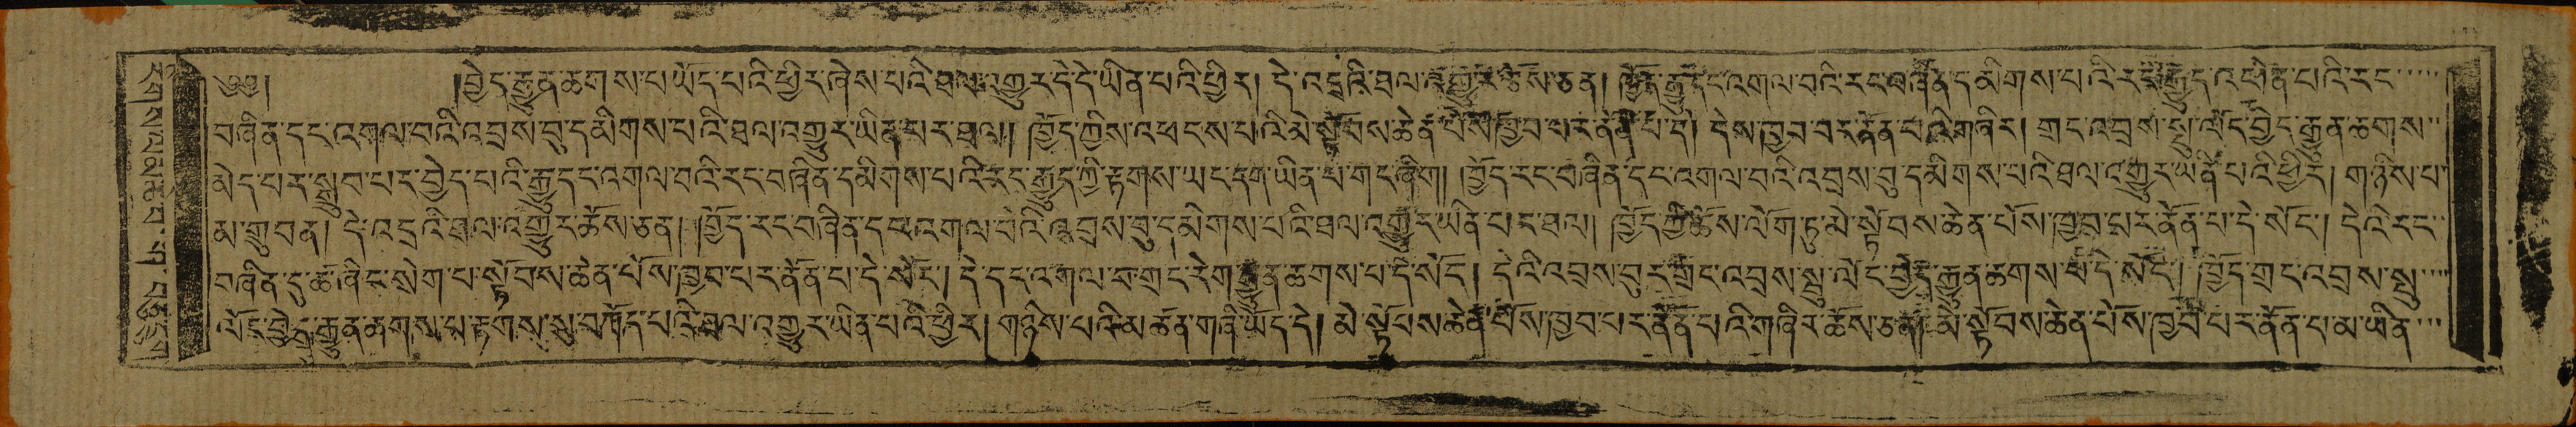༄༅། །བྱེད་རྒྱུན་ཆགས་པ་ཡོད་པའི་ཕྱིར་ཞེས་པའི་ཐལ་འགྱུར་དེ་དེ་ཡིན་པའི་ཕྱིར། དེ་འདྲའི་ཐལ་འགྱུར་ཆོས་ཅན། ཁྱོད་རྒྱུ་དང་འགལ་བའི་རང་བཞིན་དམིགས་པའི་རང་རྒྱུད་འཕེན་པའི་རང་
བཞིན་དང་འགལ་བའི་འབྲས་བུ་དམིགས་པའི་ཐལ་འགྱུར་ཡིན་པར་ཐལ། ཁྱོད་ཀྱིས་འཕངས་པའི་མེ་སྟོབས་ཆེན་པོས་ཁྱབ་པར་ནོན་པ་དེ། དེས་ཁྱབ་པར་ནོན་པའི་གཞིར། གྲང་འབྲས་སྤུ་ལོང་བྱེད་རྒྱུན་ཆགས་
མེད་པར་སྒྲུབ་པར་བྱེད་པའི་རྒྱུ་དང་འགལ་བའི་རང་བཞིན་དམིགས་པའི་རང་རྒྱུད་ཀྱི་རྟགས་ཡང་དག་ཡིན་པ་གང་ཞིག །ཁྱོད་རང་བཞིན་དང་འགལ་བའི་འབྲས་བུ་དམིགས་པའི་ཐལ་འགྱུར་ཡིན་པའི་ཕྱིར། གཉིས་པ་
མ་གྲུབ་ན། དེ་འདྲའི་ཐལ་འགྱུར་ཆོས་ཅན། ཁྱོད་རང་བཞིན་དང་འགལ་བའི་འབྲས་བུ་དམིགས་པའི་ཐལ་འགྱུར་ཡིན་པར་ཐལ། ཁྱོད་ཀྱི་ཆོས་ལོག་ཏུ་མེ་སྟོབས་ཆེན་པོས་ཁྱབ་པར་ནོན་པ་དེ་སོང་། དེའི་རང་
བཞིན་དུ་ཚ་ཞིང་སྲེག་པ་སྟོབས་ཆེན་པོས་ཁྱབ་པར་ནོན་པ་དེ་སོང་། དེ་དང་འགལ་བ་གྲང་རེག་རྒྱུན་ཆགས་པ་དེ་སོང་། དེའི་འབྲས་བུར་གྲང་འབྲས་སྤུ་ལོང་བྱེད་རྒྱུན་ཆགས་པ་དེ་སོང་། ཁྱོད་གྲང་འབྲས་སྤུ་
ལོང་བྱེད་རྒྱུན་ཆགས་པ་རྟགས་སུ་བཀོད་པའི་ཐལ་འགྱུར་ཡིན་པའི་ཕྱིར། གཉིས་པའི་མཚན་གཞི་ཡོད་དེ། མེ་སྟོབས་ཆེན་པོས་ཁྱབ་པར་ནོན་པའི་གཞིར་ཆོས་ཅན། མེ་སྟོབས་ཆེན་པོས་ཁྱབ་པར་ནོན་པ་མ་ཡིན་